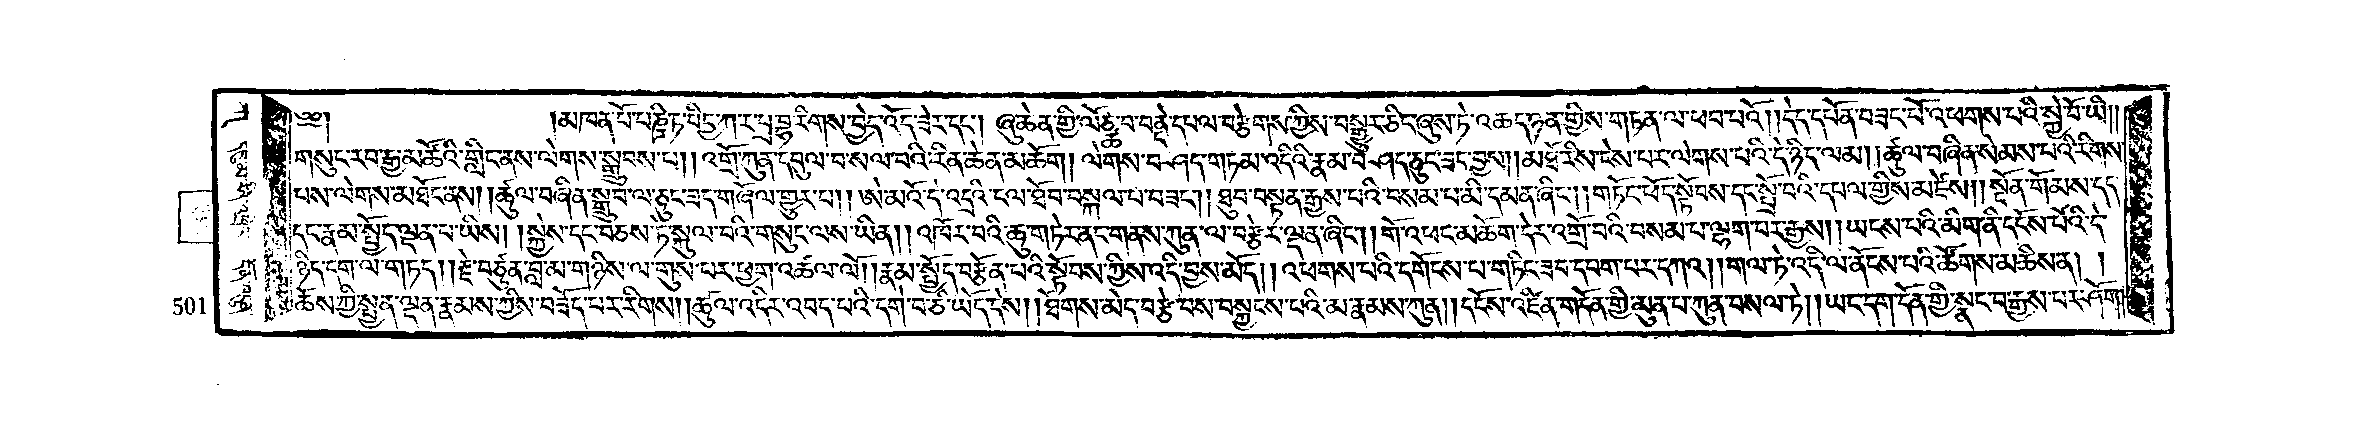༄༅། །མཁན་པོ་པཎཌི་ཏ་པིདྱ་ཀ་ར་པྲ་བྷ་རིགས་བྱེད་འོད་ཟེར་དང་། ཞུ་ཆེན་གྱི་ལོ་ཙྪ་བ་བནདེ་དཔལ་བརྩེགས་ཀྱིས་བསྒྱུར་ཅིང་ཞུས་ཏེ་འཆད་ཉན་གྱིས་གཏན་ལ་ཕབ་པའོ། །དེད་དཔོན་བཟང་པོ་འཕགས་པའི་སྐྱེ་བོ་ཡི། །
གསུང་རབ་རྒྱ་མཚོའི་གླིང་ནས་ལེགས་སྒྲུབས་པ། །འགྲོ་ཀུན་དབུལ་བ་སལ་བའི་རིན་ཆེན་མཆོག །ལེགས་བཤད་གཏམ་འདིའི་རྣམ་བཤད་ཅུང་ཟད་བྱས། །མཐོ་རིས་ངེས་པར་ལེགས་པའི་དེ་ཉིད་ལམ། །ཚུལ་བཞིན་སེམས་པའི་རིགས་
པས་ལེགས་མཐོང་ནས། །ཚུལ་བཞིན་སྒྲུབ་པ་ལ་ཅུང་ཟད་གཞོལ་གྱུར་པ། །ཨེ་མའོ་དེ་འདྲའི་ངལ་ཐོབ་བསྐལ་པ་བཟང་། །ཐུབ་བསྟན་རྒྱས་པའི་བསམ་པ་མི་དམན་ཞིང་། །གཏོང་ཕོད་སྟོབས་དང་སྤྲོ་བའི་དཔལ་གྱིས་མཛེས། །སྔོན་གོམས་དད་
དང་རྣམ་སྤྱོད་ལྡན་པ་ཡིས། །སྐྱེས་དང་བཅས་ཏེ་སྐུལ་བའི་གསུང་ལས་ཡིན། འཁོར་བའི་ཆུ་གཏེར་ནང་གནས་ཀུན་ལ་བརྩེར་ལྡན་ཞིང་། །གོ་འཕང་མཆོག་དེར་འགྲོ་བའི་བསམ་པ་ལྷག་པར་རྒྱས། །ཡང་པའི་མིག་ནི་དངོས་པོའི་དེ་
ཉིད་དག་ལ་གཏད། །རྗེ་བཙུན་བླ་མ་གཉིས་ལ་གུས་པར་ཕྱག་འཚལ་ལོ། །རྣམ་སྤྱོད་བརྩོན་པའི་སྟོབས་།ཀྱིས་འདི་བྱས་མོད། །འཕགས་པའི་དགོངས་པ་གཏིང་ཟབ་དཔག་པར་དཀའ། །གལ་ཏེ་འདི་ལ་ནོངས་པའི་ཚོགས་མཆིས་ན། །
ཆོས་ཀྱི་སྤྱན་ལྡན་རྣམས་ཀྱིས་བཟོད་པར་རིགས། །ཚུལ་འདིར་འབད་པའི་དགེ་བ་ཅི་ཡོད་དེས། །ཐོགས་མེད་བརྩེ་བས་བསྐྱངས་པའི་མ་རྣམས་ཀུན། །དངོས་འཛིན་གདོན་གྱི་མུན་པ་ཀུན་བསལ་ཏེ། །ཡང་དག་དོན་གྱི་སྣང་བ་རྒྱས་པར་ཤོག །